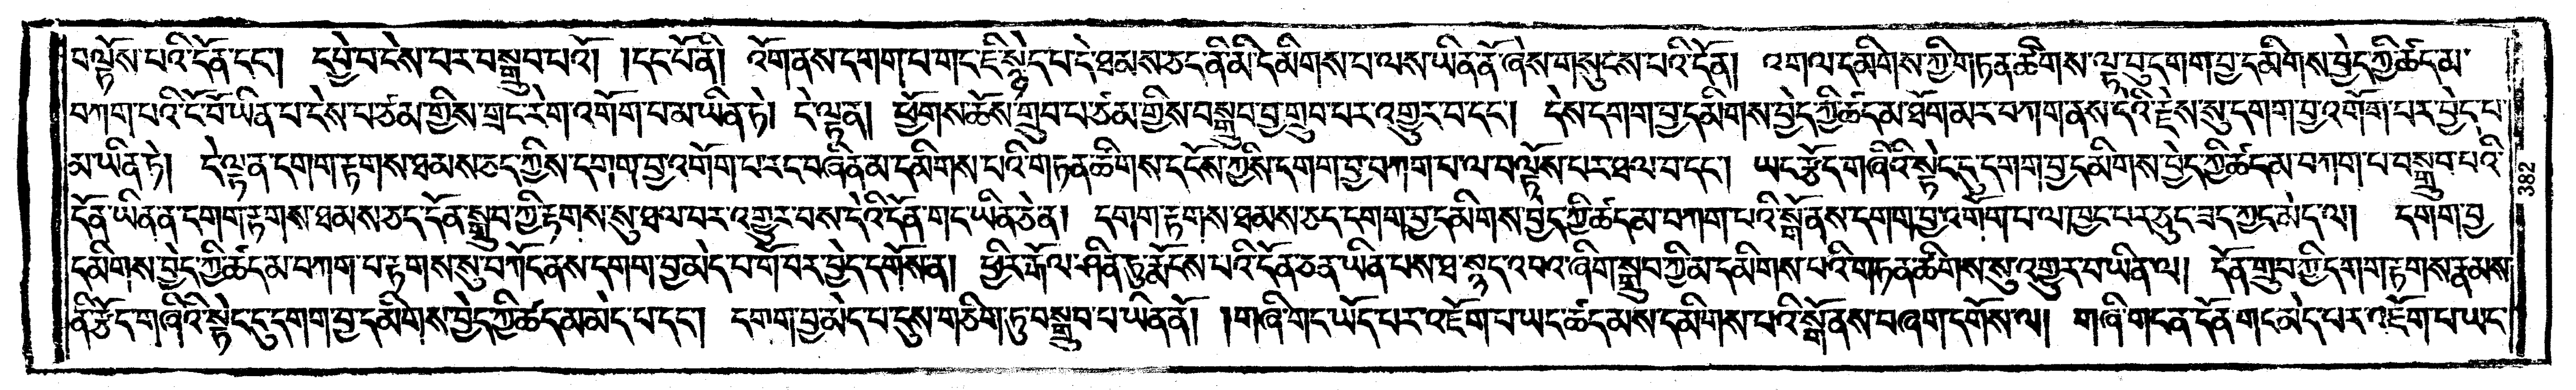བལྟོས་པའི་དོན་དང་། དབྱེ་བ་ངེས་པར་བསྒྲུབ་པའོ། །དང་པོ་ནི། འོག་ནས་དགག་པ་གང་ཇི་སྙེད་པ་དེ་ཐམས་ཅད་ནི་མི་དམིགས་པ་ལས་ཡིན་ནོ་ཞེས་གསུངས་པའི་དོན། འགལ་དམིགས་ཀྱི་གཏན་ཚིགས་ལྟ་བུ་དགག་བྱ་དམིགས་བྱེད་ཀྱི་ཚད་མ་
བཀག་པའི་ངོ་བོ་ཡིན་པ་ངེས་པ་ཙམ་གྱིས་གྲང་རེག་འགོག་པ་མ་ཡིན་ཏེ། དེ་ལྟ་ན། ཕྱོགས་ཆོས་གྲུབ་པ་ཙམ་གྱིས་བསྒྲུབ་བྱ་གྲུབ་པར་འགྱུར་པ་དང་། དེས་དགག་བྱ་དམིགས་བྱེད་ཀྱི་ཚད་མ་ཐོག་མར་བཀག་ནས་དེའི་རྗེས་སུ་དགག་བྱ་འགོག་པར་བྱེད་པ་
མ་ཡིན་ཏེ། དེ་ལྟ་ན་དགག་རྟགས་ཐམས་ཅད་ཀྱིས་དགག་བྱ་འགོག་པ་རང་བཞིན་མ་དམིགས་པའི་གཏན་ཚིགས་དངོས་ཀྱིས་དགག་བྱ་བཀག་པ་ལ་བལྟོས་པར་ཐལ་བ་དང་། ཡང་རྩོད་གཞིའི་སྟེང་དུ་དགག་བྱ་དམིགས་བྱེད་ཀྱི་ཚད་མ་བཀག་པ་བསྒྲུབ་པའི་
དོན་ཡིན་ན་དགག་རྟགས་ཐམས་ཅད་དོན་སྒྲུབ་ཀྱི་རྟགས་སུ་ཐལ་བར་འགྱུར་བས་དེའི་དོན་གང་ཡིན་ཅེ་ན། དགག་རྟགས་ཐམས་ཅད་དགག་བྱ་དམིགས་བྱེད་ཀྱི་ཚད་མ་བཀག་པའི་སྒོ་ནས་དགག་བྱ་འགོག་པ་ལ་ཁྱད་པར་ཅུང་ཟད་ཀྱང་མེད་ལ། དགག་བྱ་
དམིགས་བྱེད་ཀྱི་ཚད་མ་བཀག་པ་རྟགས་སུ་བཀོད་ནས་དགག་བྱ་མེད་པ་གོ་བར་བྱེད་དགོས་ན། ཕྱིར་རྒོལ་ཤིན་ཏུ་རྨོངས་པའི་དོན་ཅན་ཡིན་པས་ཐ་སྙད་འབའ་ཞིག་སྒྲུབ་ཀྱི་མ་དམིགས་པའི་གཏན་ཚིགས་སུ་འགྱུར་བ་ཡིན་ལ། དོན་གྲུབ་ཀྱི་དགག་རྟགས་རྣམས་
ནི་རྩོད་གཞིའི་སྟེང་དུ་དགག་བྱ་དམིགས་བྱེད་ཀྱི་ཚད་མ་མེད་པ་དང་། དགག་བྱ་མེད་པ་དུས་གཅིག་ཏུ་བསྒྲུབ་པ་ཡིན་ནོ། །གཞི་གང་ཡོད་པར་འཇོག་པ་ཡང་ཚད་མས་དམིགས་པའི་སྒོ་ནས་བཞག་དགོས་ལ། གཞི་གང་ན་དོན་གང་མེད་པར་འཇོག་པ་ཡང་